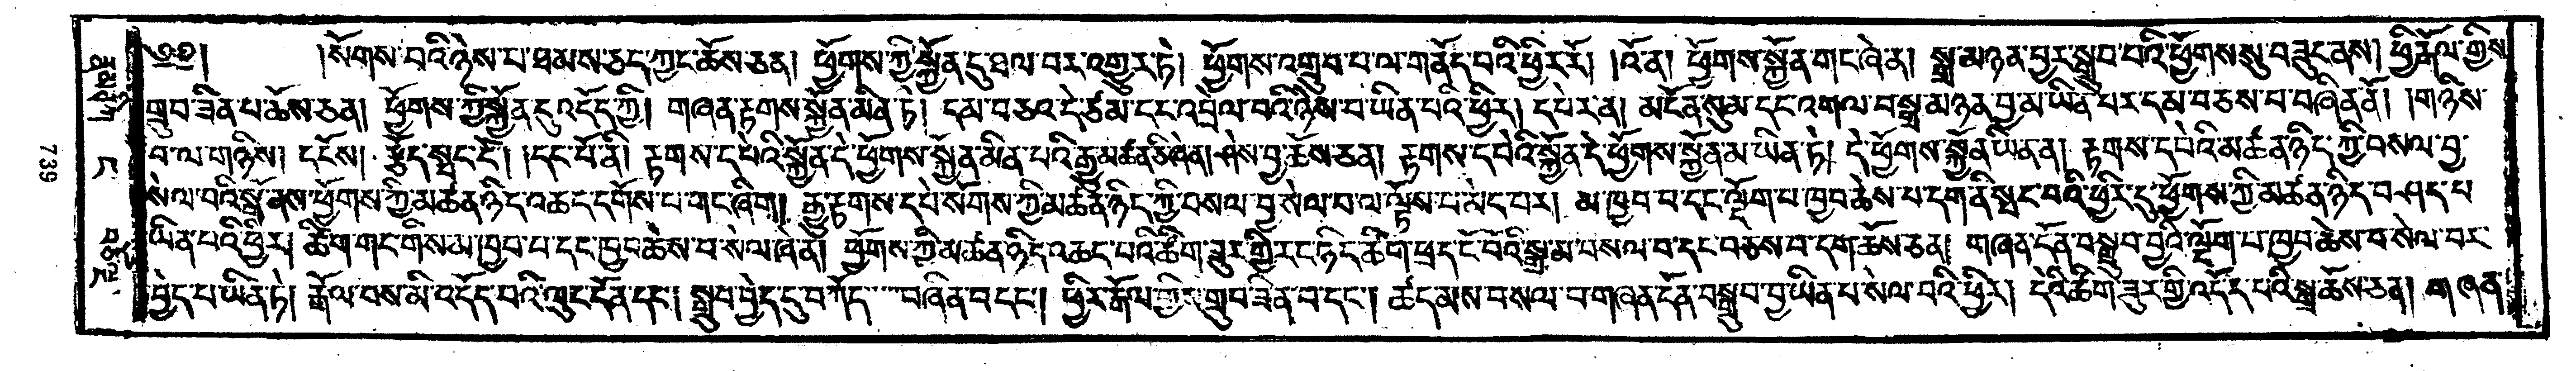༄༅། །སོགས་བའི་ཉེས་པ་ཐམས་ཅད་ཀྱང་ཆོས་ཅན། ཕྱོགས་ཀྱི་སྐྱོན་དུ་ཐལ་བར་འགྱུར་ཏེ། ཕྱོགས་འགྲུབ་པ་ལ་གནོད་པའི་ཕྱིར་རོ། །འོ་ན། ཕྱོགས་སྐྱོན་གང་ཞེ་ན། སྒྲ་མཉན་བྱར་སྒྲུབ་བའི་ཕྱོགས་སུ་བཟུང་ནས། ཕྱི་རྒོལ་གྱིས་
གྲུབ་ཟིན་པ་ཆོས་ཅན། ཕྱོགས་ཀྱི་སྐྱོན་དུ་འདོད་ཀྱི། གཞན་རྟགས་སྐྱོན་མིན་ཏེ། དམ་བཅའ་དེ་ཙམ་དང་འབྲེལ་བའི་ཉེས་པ་ཡིན་པའི་ཕྱིར། དཔེར་ན། མངོན་སུམ་དང་འགལ་བ་སྒྲ་མཉན་བྱ་མ་ཡིན་པར་དམ་བཅས་བ་བཞིན་ནོ། །གཉིས་
བ་ལ་གཉིས། དངོས། རྩོད་སྤང་ངོ། །དང་པོ་ནི། རྟགས་དཔེའི་སྐྱོན་དེ་ཕྱོགས་སྐྱོན་མེད་པའི་རྒྱུ་མཚན་ཅི་ཞེ་ན། ཤེས་བྱ་ཆོས་ཅན། རྟགས་དཔེའི་སྐྱོན་དེ་ཕྱོགས་སྐྱོན་མ་ཡིན་ཏེ། དེ་ཕྱོགས་སྐྱོན་ཡིན་ན། རྟགས་དཔེའི་མཚན་ཉིད་ཀྱི་བསལ་བྱ་
སེལ་བའི་སྒོ་ནས་ཕྱོགས་ཀྱི་མཚན་ཉིད་འཆད་དོགས་པ་གང་ཞིག། རྒྱུ་རྟགས་དཔེ་སོགས་ཀྱི་མཚན་ཉིད་ཀྱི་བསལ་བྱ་སེལ་བ་ལ་ལྟོས་པ་མེད་པར། མ་ཁྱབ་བ་དང་ལྡོག་པ་ཁྱབ་ཆེས་པ་དང་ནི་སྤང་བའི་ཕྱིར་དུ་ཕྱོགས་ཀྱི་མཚན་ཉིད་བཤད་པ་
ཡིན་པའི་ཕྱིར། ཚིག་གང་གིས་མ་ཁྱབ་པ་དང་ཁྱབ་ཆེས་བ་སེལ་ཞེ་ན། ཕྱོགས་ཀྱི་མཚན་ཉིད་འཆད་པའི་ཚིག་ཟུར་གྱི་རང་ཉིད་ཚིག་ཕྲད་ངོ་བོའི་སྒྲ་མ་བསལ་བ་དང་བཅས་པ་དང་ཆོས་ཅན། གཞན་དོན་བསྒྲུབ་བྱའི་ལྡོག་པ་ཁྱབ་ཆེས་བ་སེལ་བར་
བྱེད་པ་ཡིན་ཏེ། རྒོལ་བས་མི་འདོད་པའི་ལུང་དོན་དང་། སྒྲུབ་བྱེད་དུ་བཀོད་བཞིན་བ་དང་། ཕྱིར་རྒོལ་གྱིས་གྲུབ་ཟིན་པ་དང་། ཚད་མས་བསལ་བ་གཞན་དོན་བསྒྲུབ་བྱ་ཡིན་པ་སེལ་བའི་ཕྱིར། དེའི་ཚིག་ཟུར་གྱི་འདོད་པའི་སྒྲ་ཆོས་ཅན། གཞན་